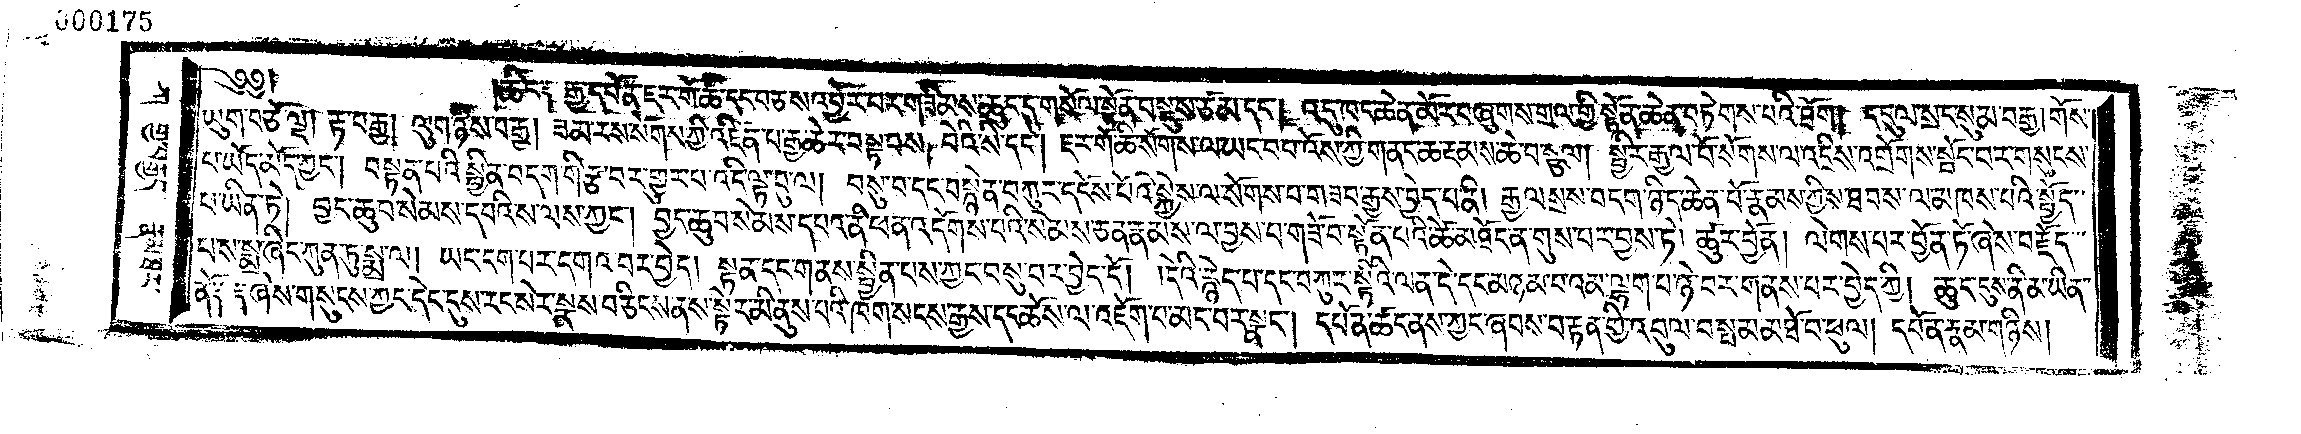༄༅། །ཆིང༑ རྒྱ་དཔོན་ཇར་གོ་ཆི་དང་བཅས་འབྱོར་པར་གཟིམས་ཆུང་དུ་གསོལ་སྟོན་བསྡུས་ཙམ་དང་། འདུ་ཁང་ཆེན་མོར་བཞུགས་གྲལ་གྱི་སྟོན་ཆེན་བཏེགས་པའི་ཐོག། དངུལ་སྲང་སུམ་བརྒྱ། གོས་
ཡུག་བཅོ་ལྔ། རྟ་བརྒྱ། ལུག་ཉིས་བརྒྱ། ཟམ་རས་སོགས་ཀྱི་འཛིན་པ་རྒྱ་ཆེར་བསྟབས། པེའི་སི་དང་། ཇར་གོ་ཆི་སོགས་ལ་ཡང་བབ་འོས་ཀྱི་གནང་ཆ་རྔམས་ཆེ་བ་སྩལ། སྤྱིར་རྒྱལ་པོ་སོགས་ལ་འདྲིས་འགྲོགས་སྤོང་བར་གསུངས་
པ་ཡོད་མོད་ཀྱང་། བསྟན་པའི་སྦྱིན་བདག་གི་རྩ་བར་གྱུར་པ་འདི་ལྟ་བུ་ལ། བསུ་བ་དང་བསྙེན་བཀུར་དངོས་པོའི་སྐྱེས་ལ་སོགས་པ་གཟབ་རྒྱས་བྱེད་པ་ནི། རྒྱལ་སྲས་བདག་ཉིད་ཆེན་པོ་རྣམས་ཀྱིས་ཐབས་ལ་མཁས་པའི་སྤྱོད་
པ་ཡིན་ཏེ། བྱང་ཆུབ་སེམས་དཔའི་ས་ལས་ཀྱང་། བྱང་ཆུབ་སེམས་དཔའ་ནི་ཕན་འདོགས་པའི་སེམས་ཅན་རྣམས་ལ་བྱས་པ་གཟོ་བ་སྟོན་པའི་ཚེ་མཐོང་ན་གུས་པར་བྱས་ཏེ། ཚུར་བྱོན། ལེགས་པར་བྱོན་ཏོ་ཞེས་བརྗོད་
པས་སྨྲ་ཞིང་ཀུན་ཏུ་སྨྲ་ལ། ཡང་དག་པར་དགའ་བར་བྱེད། སྟན་དང་གནས་སྦྱིན་པས་ཀྱང་བསུ་པར་བྱེད་དོ། །དེའི་རྙེད་པ་དང་བཀུར་སྟིའི་ལན་དེ་དང་མཉམ་པ་འམ་ལྷག་པ་ཉེ་བར་གནས་པར་བྱེད་ཀྱི། ཆུང་དུས་ནི་མ་ཡིན་
ནོ༑ ༑ཞེས་གསུངས་ཀྱང་དེང་དུས་རང་སེར་སྣས་བཅིངས་ནས་སྟེར་མི་ནུས་པའི་ཁག་སངས་རྒྱས་དང་ཆོས་ལ་འཇོག་པ་མང་བར་སྣང་། དཔོན་ཚང་ནས་ཀྱང་ཞབས་བརྟན་གྱི་འབུལ་བ་སྤམ་མཐོ་བ་ཕུལ། དཔོན་རྣམ་གཉིས།